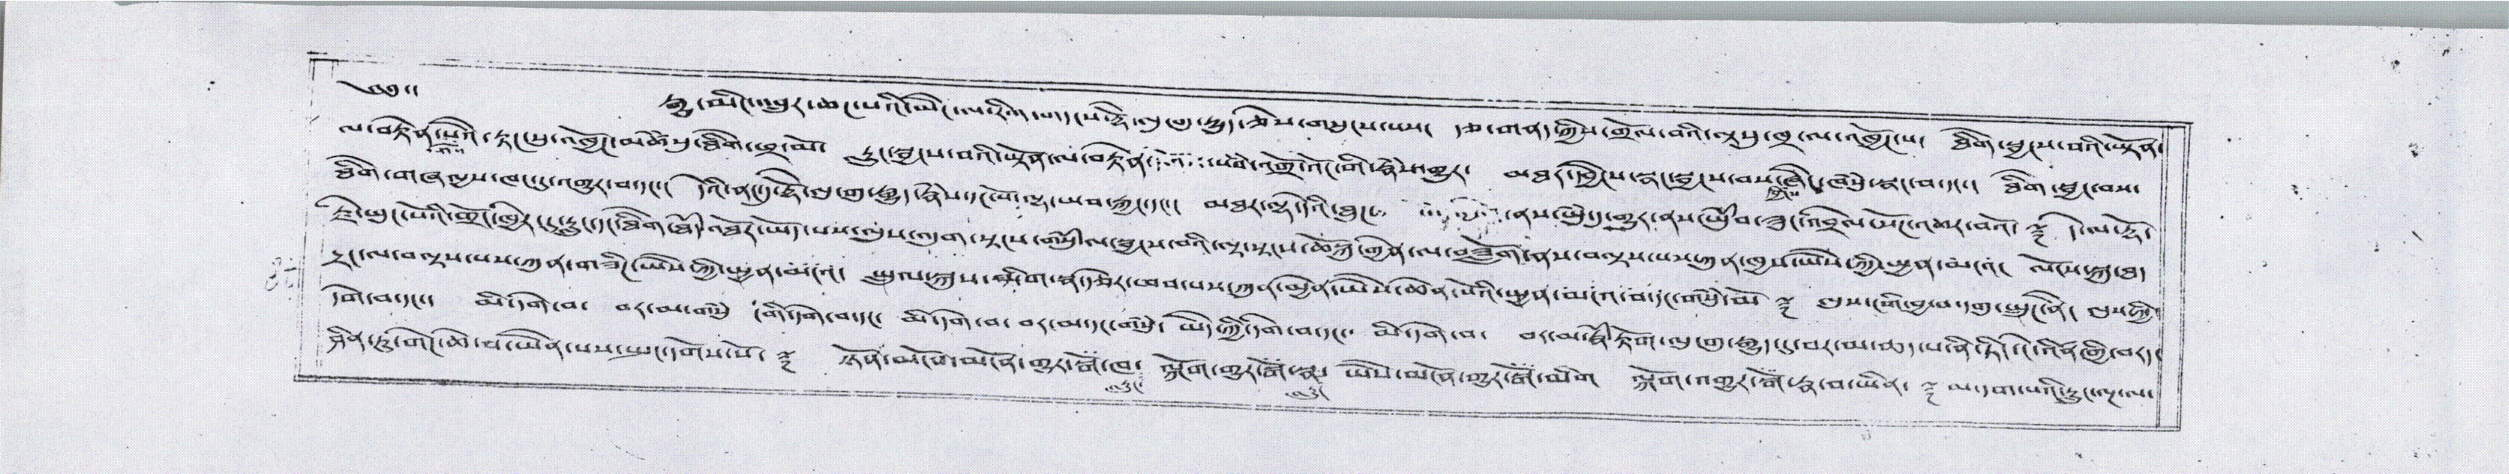རྒྱུ་མིང་འབྲུར་ཆགས་པའི་མིང་ལ་རིག་གདངས་རྡོ་རྗེ་ལུ་གུ་རྒྱུད་ཅེས་གསུངས་པས། རྩ་གནད་ཀྱིས་གྲོལ་བའི་ལྟས་སུ་ཕྲ་ལ་འཁྱོགས་པ། ཐིག་ལེ་གསང་བའི་ཡོན་ཏན་
ལ་བརྟེན་པའི་རྟགས་སུ་འཁྱོགས་མཚམས་སུ་ཐིག་ལེ་ཕྲ་མོ། རླུང་སྦྱངས་པའི་ཡོན་ཏན་ལ་བརྟེན་དགོས་པའི་འགྲོ་འོིང་གི་རྣམ་འགྱུར། མཐར་དབྱིངས་སྣང་སྦྱངས་པས་དབྱིངས་ཞིང་ཁམས་སུ་སྣང་བ་དང་། ཐིག་ལེ་སྦྱངས་པས་
ཐིག་ལེ་གཞལ་ཡས་ཁང་དུ་འགྱུར་བ་དང་། དེའི་ནང་དུ་རྡོ་རྗེ་ལུ་གུ་རྒྱུད་རྣམས་དང་པོ་ལྷ་ཡབ་རྐྱང་དང་། མཐར་ལྷ་དེའི་ཐུགས་༼༽ནས་ཡུམ་དུ་གྱུར་ནས་ཡབ་ཡུམ་ཟུང་འབྲེལ་སོགས་འཆར་བའོ། ༧ དེ་ལ་རྡོ་
རྗེ་ཕུང་པོའི་གྲོང་ཁྱེར་དུ། རླུང་དང་ཐིག་ལེ་ཐམས་ཅད་འཐོར་ཡོད་པས་ལུས་འདུག་སྟངས་གསུམ་ལ་བརྒྱུད་པའི་ལྟ་སྟངས་ཆོས་སྐུ་གྱེན་ལ་བཟློག་ནས་བལྟས་པས་ཀུན་ཁྱབ་ཡེ་ཤེས་ཀྱི་སྤྱན་མངའ། ལོངས་སྐུ་ཐད་
དྲངས་ལ་བལྟས་པས་ཀུན་གཟིགས་ཡེ་ཤེས་ཀྱི་སྤྱན་མངའ། སྤྲུལ་སྐུའི་མིག་སྣ་རྩེར་ཕབ་པས་ཀུན་མཁྱེན་ཡེ་ཤེས་ཆེན་པོའི་སྤྱན་མངའ་བ་དང་གསུམ་མོ། ༧ ལུས་ངག་གི་བྱ་བ་དགུ་སྤྲུག་ནི། ལུས་ཀྱི་
དགེ་བ་དང་མི་དགེ་བ། བར་མ་གསུམ། ངག་གི་དགེ་བ་དང་། མི་དགེ་བ། བར་མ་གསུམ། ངག་གི་དགེ་བ་དང་། མི་དགེ་བ། བར་མ་དང་གསུམ། ཡིད་ཀྱི་དགེ་བ་དང་། མི་དགེ་བ། བར་མ་རྣམ་རྟོག་ལུ་གུ་རྒྱུད་དུ་བར་མ་ཆད་པ་ནི་ཏིང་ངེ་འཛིན་གྱི་བར་ཆད་
ཤིན་ཏུ་གེགས་ཆེ་བ་ཡིན་པས་སྤང་དགོས་སོ། ༧ ཉོན་མོངས་མངོན་གྱུར་སྒོ་ཁ། ལྐོག་གྱུར་སྒོ་སྣ། ཡེ་ཤེས་མངོན་གྱུར་སྒོ་མིག ལྐོག་གྱུར་སྒོ་རྣ་བ་ཡིན། ༧ མ་དག་པའི་རླུང་ལྔ་ལ་